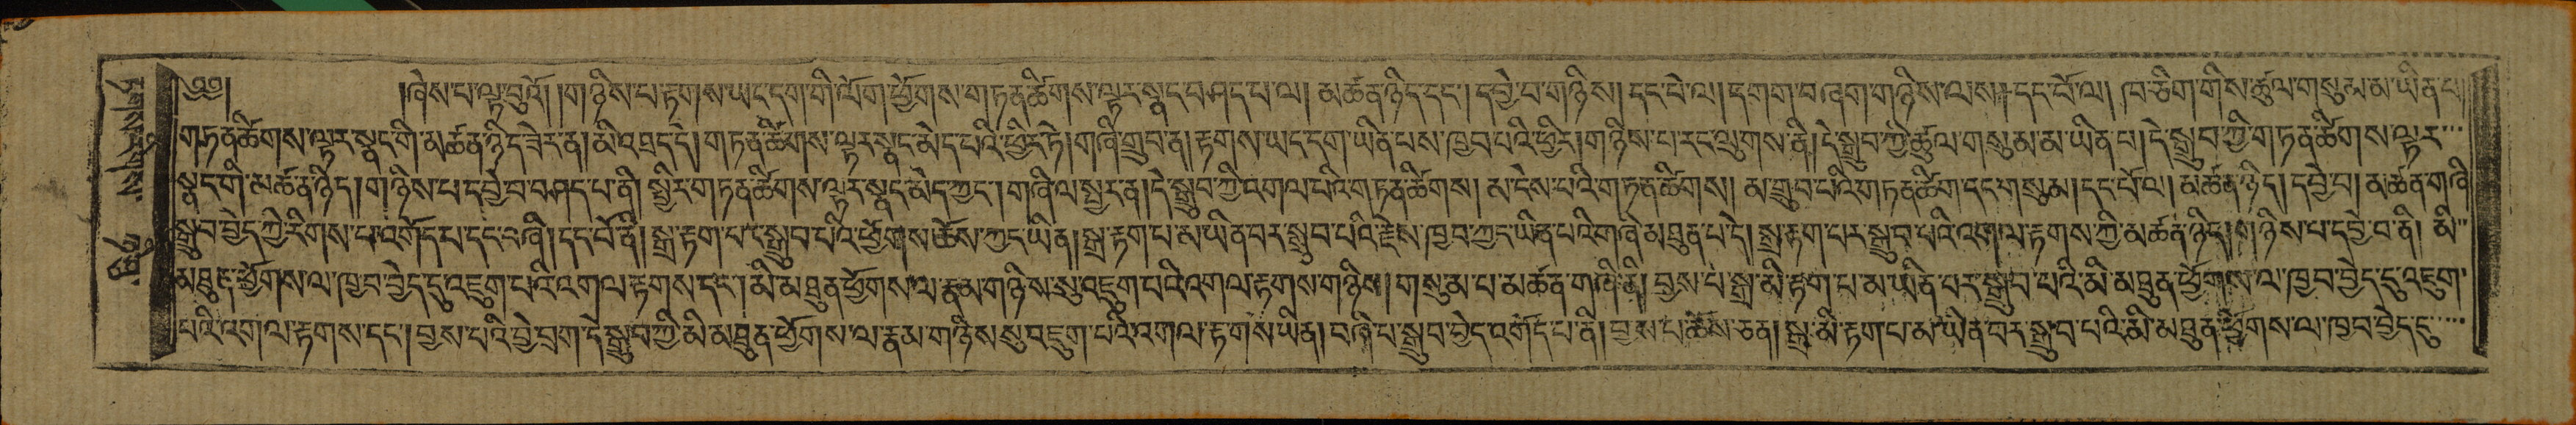༄༅། །ཞེས་པ་ལྟ་བུའོ། །གཉིས་པ་རྟགས་ཡང་དག་གི་ལོག་ཕྱོགས་གཏན་ཚིགས་ལྟར་སྣང་བཤད་པ་ལ། མཚན་ཉིད་དང་། དབྱེ་བ་གཉིས། དང་པོ་ལ། དགག་བཞག་གཉིས་ལས། དང་པོ་ལ། ཁ་ཅིག་གིས་ཚུལ་གསུམ་མ་ཡིན་པ།
གཏན་ཚིགས་ལྟར་སྣང་གི་མཚན་ཉིད་ཟེར་ན། མི་འཐད་དེ། གཏན་ཚིགས་ལྟར་སྣང་མེད་པའི་ཕྱིར་ཏེ། གཞི་གྲུབ་ན། རྟགས་ཡང་དག་ཡིན་པས་ཁྱབ་པའི་ཕྱིར། གཉིས་པ་རང་ལུགས་ནི། དེ་སྒྲུབ་ཀྱི་ཚུལ་གསུམ་མ་ཡིན་པ། དེ་སྒྲུབ་ཀྱི་གཏན་ཚིགས་ལྟར་
སྣང་གི་མཚན་ཉིད། གཉིས་པ་དབྱེ་བ་བཤད་པ་ནི། སྤྱིར་གཏན་ཚིགས་ལྟར་སྣང་མེད་ཀྱང་། གཞི་ལ་སྦྱར་ན། དེ་སྒྲུབ་ཀྱི་འགལ་བའི་གཏན་ཚིགས། མ་ངེས་པའི་གཏན་ཚིགས། མ་གྲུབ་པའི་གཏན་ཚིག་དང་གསུམ། དང་པོ་ལ། མཚན་ཉིད། དབྱེ་བ། མཚན་གཞི་
སྒྲུབ་བྱེད་ཀྱི་རིགས་པ་འགོད་པ་དང་བཞི། དང་པོ་ནི། སྒྲ་རྟག་པར་སྒྲུབ་པའི་ཕྱོགས་ཆོས་ཀྱང་ཡིན། སྒྲ་རྟག་པ་མ་ཡིན་པར་སྒྲུབ་པའི་རྗེས་ཁྱབ་ཀྱང་ཡིན་པའི་གཞི་མཐུན་པ་དེ། སྒྲ་རྟག་པར་སྒྲུབ་པའི་འགལ་རྟགས་ཀྱི་མཚན་ཉིད། གཉིས་པ་དབྱེ་བ་ནི། མི་
མཐུན་ཕྱོགས་ལ་ཁྱབ་བྱེད་དུ་འཇུག་པའི་འགལ་རྟགས་དང་། མི་མཐུན་ཕྱོགས་ལ་རྣམ་གཉིས་སུ་འཇུག་པའི་འགལ་རྟགས་གཉིས། གསུམ་པ་མཚན་གཞི་ནི། བྱས་པ་སྒྲ་མི་རྟག་པ་མ་ཡིན་པར་སྒྲུབ་པའི་མི་མཐུན་ཕྱོགས་ལ་ཁྱབ་བྱེད་དུ་འཇུག་
པའི་འགལ་རྟགས་དང་། བྱས་པའི་བྱེ་བྲག་དེ་སྒྲུབ་ཀྱི་མི་མཐུན་ཕྱོགས་ལ་རྣམ་གཉིས་སུ་འཇུག་པའི་འགལ་རྟགས་ཡིན། བཞི་པ་སྒྲུབ་བྱེད་འགོད་པ་ནི། བྱས་པ་ཆོས་ཅན། སྒྲ་མི་རྟག་པ་མ་ཡིན་པར་སྒྲུབ་པའི་མི་མཐུན་ཕྱོགས་ལ་ཁྱབ་བྱེད་དུ་